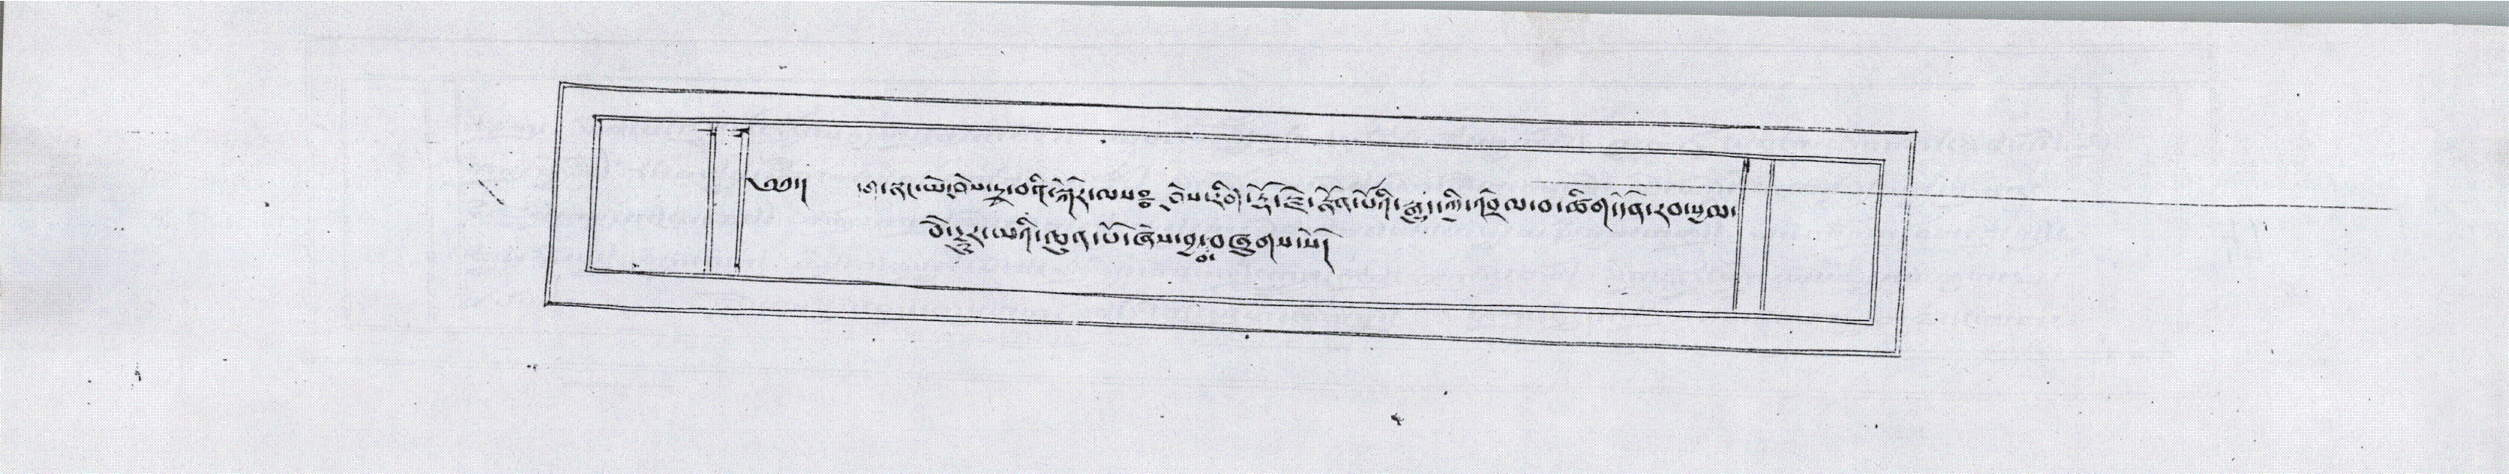དག་སྣང་ཡེ་ཤེས་དྲྭ་བའི་སྐོར་ལསཿཤེས་རིག་རྡོ་རྗེ་རྣོན་པོའི་རྒྱུད་ཀྱི་འབྲེལ་བ་ཚིག་དོན་རབ་གསལ་
བཻཌུརྱ་ཡའི་ཆུན་པོ་ཞེས་བྱ་བ་བཞུགས་སོ།